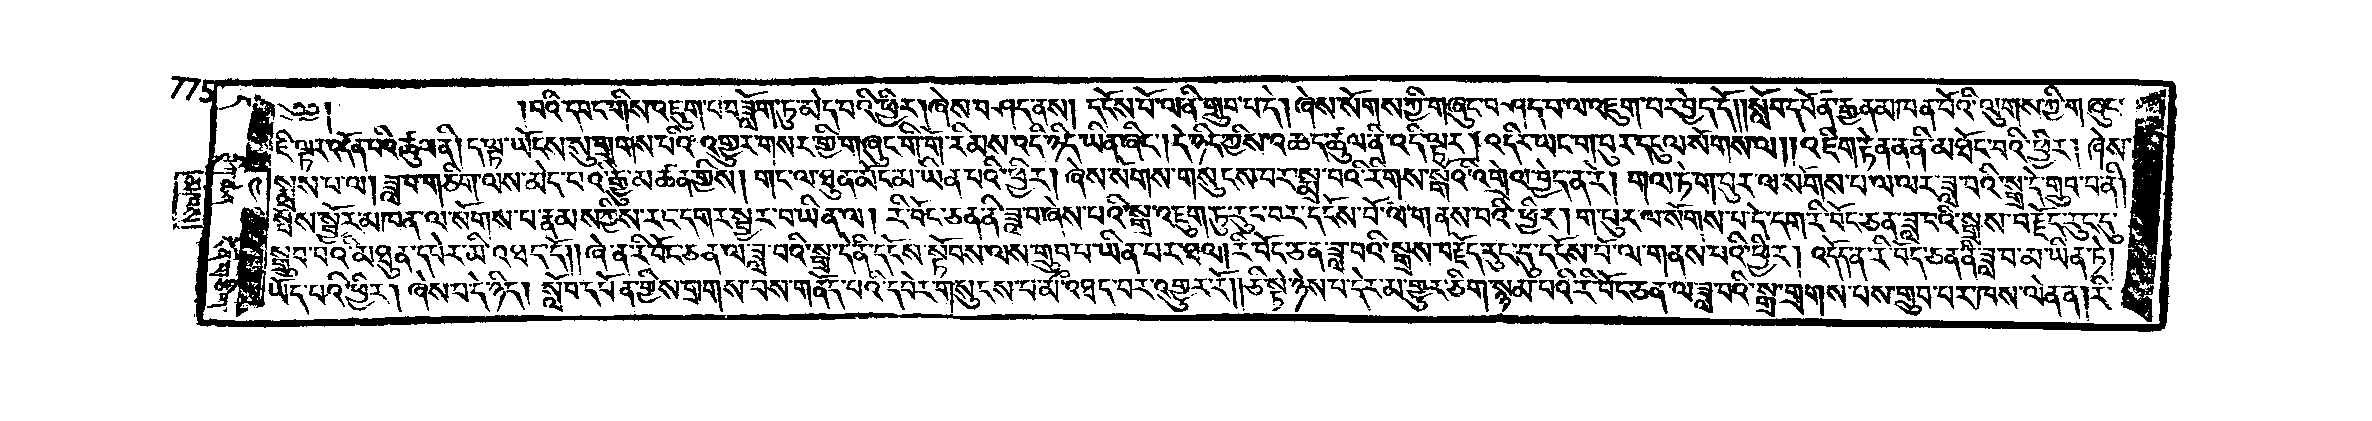༄༅། །བའི་དབང་གིས་འཇུག་པ་བཟློག་ཏུ་མེད་པའི་ཕྱིར། ཞེས་བཤད་ནས། དངོས་པོ་ལ་ནི་གྲུབ་པ་དེ། ཞེས་སོགས་ཀྱི་གཞུང་བཤད་པ་ལ་འཇུག་པར་བྱེད་དོ། །སློབ་དཔོན་རྒྱན་མཁན་པོའི་ལུགས་ཀྱི་གཞུང་
ཇི་ལྟར་འདོན་པའི་ཚུལ་ནི། ད་ལྟ་ཡོངས་སུ་གྲགས་པའི་འགྱུར་གསར་གྱི་གཞུང་གི་གོ་རིམས་འདི་ཉིད་ཡིན་ཞིང་། དེ་ཉིད་ཀྱིས་འཆད་ཚུལ་ནི་འདི་ལྟར། འདིར་ཡང་ག་བུར་དངུལ་སོགས་ལ། །འཇིག་རྟེན་ན་ནི་མཐོང་བའི་ཕྱིར། ཞེས་
སྨྲས་པ་ལ། ཟླ་བ་གཅིག་ལས་མེད་པའི་རྒྱུ་མཚན་གྱིས། གང་ལ་ཐུན་མོང་མ་ཡིན་པའི་ཕྱིར། ཞེས་སོགས་གསུངས་པར་སྨྲ་བའི་རིགས་སྒོའི་འགྲེལ་བྱེད་ན་རེ། གལ་ཏེ་ག་བུར་ལ་སོགས་པ་ལ་ལར་ཟླ་བའི་སྒྲ་དེ་གྲུབ་པ་ནི།
སྤོས་སྦྱོར་མཁན་ལ་སོགས་པ་རྣམས་ཀྱིས་རང་དགར་སྦྱར་བ་ཡིན་ལ། རི་བོང་ཅན་ནི་ཟླ་བ་ཞེས་པའི་སྒྲ་འཇུག་ཏུ་རུང་བར་དངོས་པོ་ལ་གནས་པའི་ཕྱིར། ག་བུར་ལ་སོགས་པ་དེ་དག་རི་བོང་ཅན་ཟླ་བའི་སྒྲས་བརྗོད་རུང་དུ་
སྒྲུབ་བའི་མཐུན་དཔེར་མི་འཐད་དོ། །ཞེ་ན་རི་བོང་ཅན་ལ་ཟླ་བའི་སྒྲ་དེ་ནི་དངོས་སྟོབས་ལས་གྲུབ་པ་ཡིན་པར་ཐལ། རི་བོང་ཅན་ཟླ་བའི་སྒྲས་བརྗོད་རུང་དུ་དངོས་པོ་ལ་གནས་པའི་ཕྱིར། འདོད་ན་རི་བོང་ཅན་ནི་ཟླ་བ་མ་ཡིན་ཏེ།
ཡོད་པའི་ཕྱིར། ཞེས་པ་དེ་ཉིད། སློབ་དཔོན་གྱིས་གྲགས་པས་གནོད་པའི་དཔེར་གསུངས་པ་མི་འཐད་པར་འགྱུར་རོ། །ཅི་སྟེ་ཉེས་པ་དེར་མ་གྱུར་ཅིག་སྙམ་པའི་རི་བོང་ཅན་ལ་ཟླ་བའི་སྒྲ་གྲགས་པས་གྲུབ་པར་ཁས་ལེན་ན། རི་